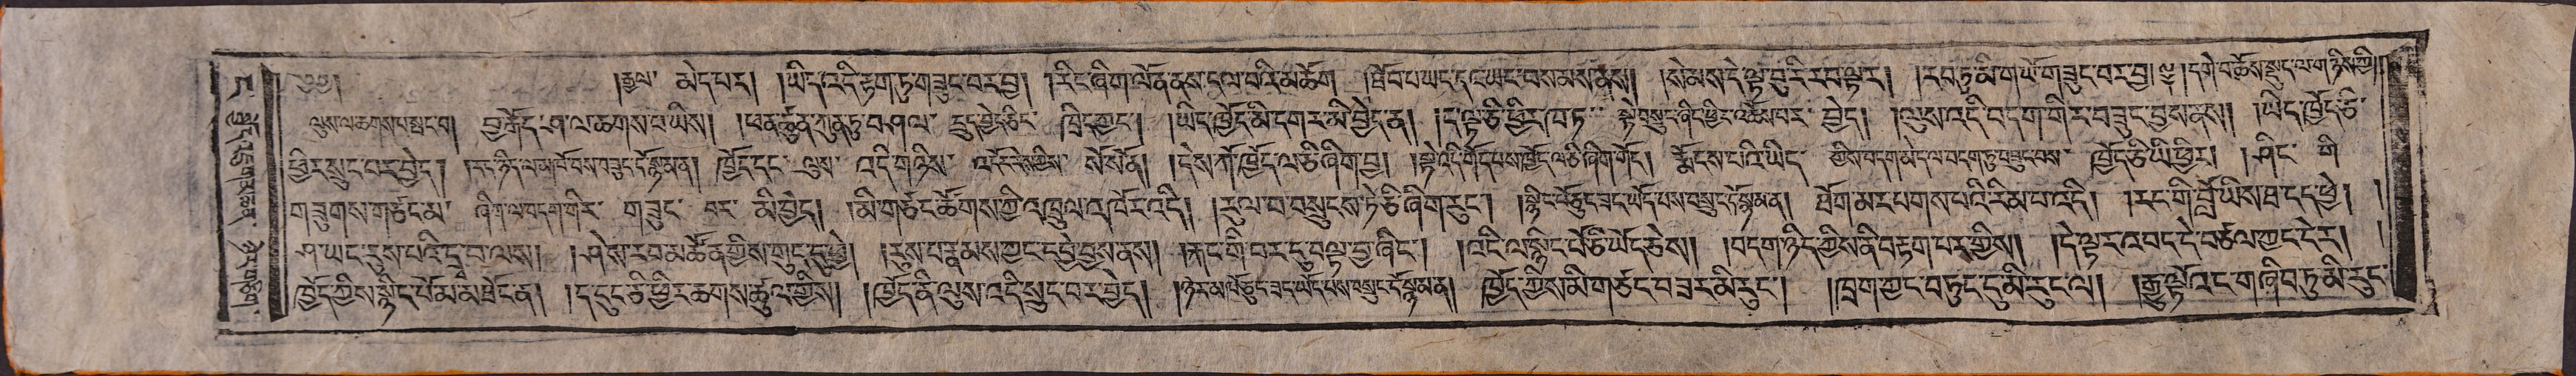༄༅། །རྒྱལ་མད་པར། །ཡིད་འདི་རྟག་ཏུ་གཟུང་བར་བྱ། །རིང་ཞིག་ལོན་ནས་དལ་བའི་མཆོག །ཐོབ་པ་ཡང་དང་ཡང་བསམས་ནས། །སེམས་དེ་ལྟ་བུ་རི་རབ་ལྟར། །རབ་ཏུ་མི་གཡོ་གཟུང་བར་བྱ། ༈ །དགེ་བ་ཆོས་སྡུད་ལ་གཉིས་ཀྱི།
ལུས་ལ་ཆགས་པ་སྤང་བ། བྱ་རྒད་ཤ་ལ་ཆགས་པ་ཡིས། །ཕན་ཚུན་ཀུན་ཏུ་བཤལ་དྲུད་བྱེད་ཅིང་ཁྲིད་ཀྱང་། །ཡིད་ཁྱོད་མི་དགར་མི་བྱེད་ན། །ད་ལྟ་ཅི་ཕྱིར་ཁ་ཏ་སྟེ་བསྲུང་ཞིང་ཕྱིར་འཆོས་པར་བྱེད། །ལུས་འདི་བདག་གིར་བཟུང་བྱས་ནས། །ཡིད་ཁྱོད་ཅི་
ཕྱིར་སྲུང་བར་བྱེད། །རང་ཉིད་ལ་མཁོ་བས་བཟུང་ངོ་སྙམ་ན། ཁྱོད་དང་ལུས་འདི་གཉིས་འདོར་རེས་ཀྱིས་སོ་སོ་ན། །དེས་ཀོ་ཁྱོད་ལ་ཅི་ཞིག་བྱ། །སྟེ་འདི་གོད་པས་ཁྱོད་ལ་ཅི་ཞིག་གོད། རྨོངས་པའི་ཡིད་ཀྱིས་བདག་མེད་ལ་བདག་ཏུ་བཟུང་བས་ཁྱོད་ཅི་ཡི་ཕྱིར། །ཤིང་གི་
གཟུགས་གཙང་མ་ཞིག་ལ་བདག་གིར་གཟུང་པར་མི་བྱེད། །མི་གཙང་ཚོགས་ཀྱི་འཁྲུལ་འཁོར་འདི། །རུལ་བ་བསྲུངས་ཏེ་ཅི་ཞིག་རུང་། །སྙིང་པ་ཅུང་ཟད་ཡོད་པས་བསྲུང་ངོ་སྙམ་ན། ཐོག་མར་པགས་པའི་རིམ་པ་འདི། །རང་གི་བློ་ཡིད་ཐ་དད་ཕྱེ། །
ཤ་ཡང་རུས་པའི་དྲྭ་པ་ལས། །ཤེས་རབ་མཚོན་གྱིས་གུད་དུ་ཕྱེ། །རུས་པ་རྣམས་ཀྱང་དབྱེ་བྱས་ནས། །རྐང་གི་བར་དུ་བལྟ་བྱ་ཞིང་། །འདི་ལ་སྙིང་པོ་ཅི་ཡོད་ཅེས། །བདག་ཉིད་ཀྱིས་ནི་བརྟག་པར་གྱིས། །དེ་ལྟར་འབད་དེ་བཙལ་ཀྱང་དེར། །
ཁྱོད་ཀྱིས་སྙིང་པོ་མ་མཐོང་ན། །ད་དུང་ཅི་ཕྱིར་ཆགས་ཚུལ་གྱིས། །ཁྱོད་ནི་ལུས་འདི་སྲུང་བར་བྱེད། །ཉེར་མཁོ་ཅུང་ཟད་ཡོད་པས་བསྲུང་དོ་སྙམ་ན། ཁྱོད་གྱིས་མི་གཙང་བཟར་མི་རུང་། །ཁྲག་ཀྱང་བཏུང་དུ་མི་རུང་ལ༑ །རྒྱུ་ལྟོའང་གཞིབ་ཏུ་མི་རུང་